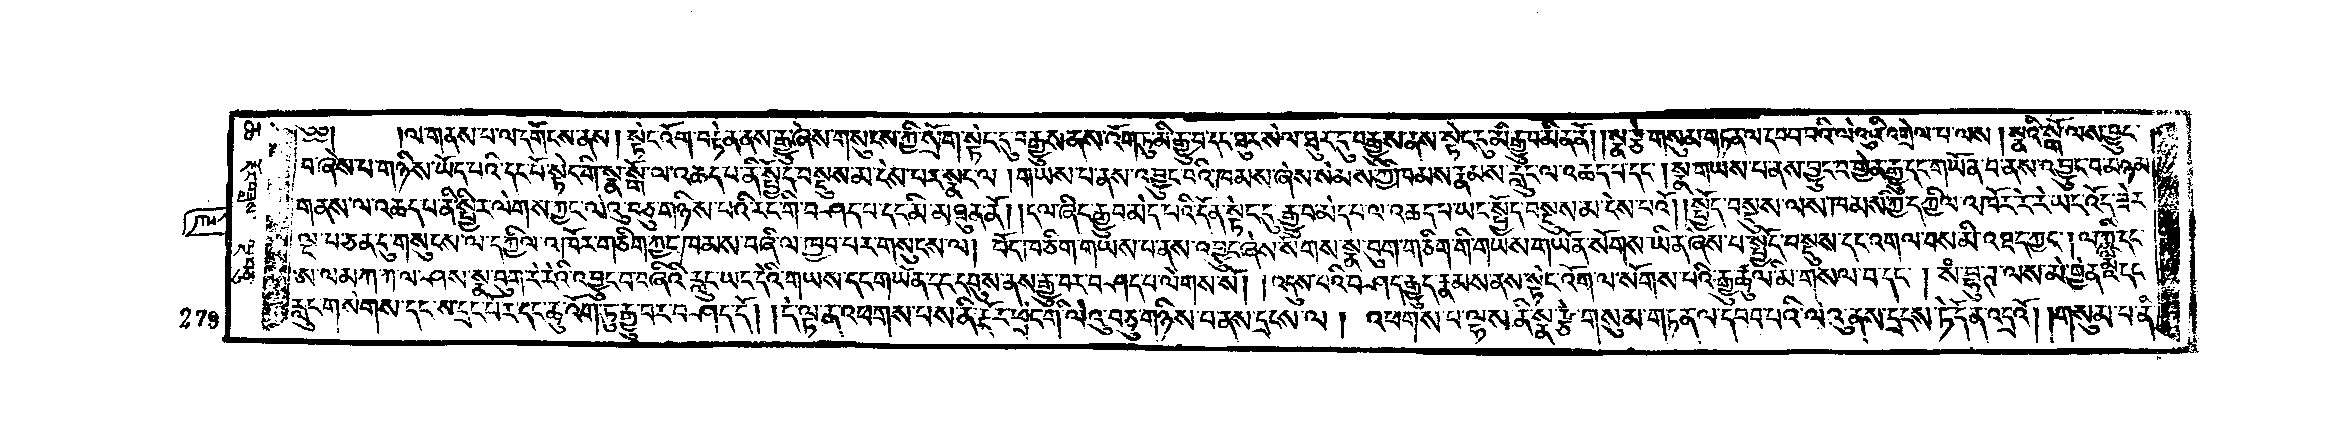༄༅། །ལ་གནས་པ་ལ་དགོངས་ནས། སྟེང་འོག་བརྟེན་ནས་རྒྱུ་ཞེས་གསུངས་ཀྱི་སྲོག་སྟེང་དུ་བརྒྱུས་ནས་འོག་ཏུ་མི་རྒྱུ་བ་དང་ཐུར་སེལ་ཐུར་དུ་བརྒྱུས་ནས་སྟེང་དུ་མི་རྒྱུ་བ་མིན་ནོ། །སྣ་རྩེ་གསུམ་གཏན་ལ་དབབ་པའི་ལེའུའི་འགྲེལ་པ་ལས། སྣའི་སྒོ་ལས་བྱུང་
བ་ཞེས་པ་གཉིས་ཡོད་པའི་དང་པོ་སྟེང་གི་སྣ་སྒོ་ལ་འཆད་པ་ནི་སྤྱོད་བསྡུས་མ་ངེས་པར་སྣང་ལ། གཡས་པ་ནས་འབྱུང་བའི་ཁམས་ཞེས་སེམས་ཀྱི་ཁམས་རྣམས་རླུང་ལ་འཆད་པ་དང་། སྣ་གཡས་པ་ནས་བྱུང་བ་གྱེན་རྒྱུ་དང་གཡོན་པ་ནས་འབྱུང་བ་མཉམ་
གནས་ལ་འཆད་པ་ནི་སྤྱིར་ལེགས་ཀྱང་ལེའུ་བཅུ་གཉིས་པའི་རང་གི་བཤད་པ་དང་མི་མཐུན་ནོ། །དལ་ཞིང་རྒྱུ་བ་མེད་པའི་དོན་སྟེང་དུ་རྒྱུ་བ་མེད་པ་ལ་འཆད་པ་ཡང་སྤྱོད་བསྡུས་མ་ངེས་པའོ། །སྤྱོད་བསྡུས་ལས་ཁམས་ཀྱི་དཀྱིལ་འཁོར་རེ་རེ་ཡང་འོད་ཟེར་
ལྔ་པ་ཅན་དུ་གསུངས་ལ་དཀྱིལ་འཁོར་གཅིག་ཀྱང་ཁམས་བཞི་ལ་ཁྱབ་པར་གསུངས་ལ། བོད་ཁ་ཅིག་གཡས་པ་ནས་འབྱུང་ཞེས་སོགས་སྣ་བུག་གཅིག་གི་གཡས་གཡོན་སོགས་ཡིན་ཞེས་པ་སྤྱོད་བསྡུས་དང་འགལ་བས་མི་འཐད་ཀྱང་། ལཀྵྨཱི་དང་
ཨ་ལམ་ཀ་ཀ་ལ་ཤས་སྣ་བུག་རེ་རེའི་འབྱུང་བ་བཞིའི་རླུང་ཡང་དེའི་གཡས་དང་གཡོན་དང་དབུས་ནས་རྒྱུ་བར་བཤད་པ་ལེགས་སོ། །འདུས་པའི་བཤད་རྒྱུད་རྣམས་ནས་སྟེང་འོག་ལ་སོགས་པའི་རྒྱུ་ཚུལ་མི་གསལ་བ་དང་། སཾ་བྷུ་ཊ་ལས་མེ་གྱིན་དང་
རླུང་གསེགས་དང་ས་དྲང་པོར་དང་ཆུ་འོག་ཏུ་རྒྱུ་བར་བཤད་དོ། །དེ་ལྟ་ན་འཕགས་པས་ནི་རྡོར་ཕྲེང་གི་ལེའུ་བཅུ་གཉིས་པ་ནས་དྲངས་ལ། འཕགས་པ་ལྷས་ནི་སྣ་རྩེ་གསུམ་གཏན་ལ་དབབ་པའི་ལེའུ་ནས་དྲངས་ཏེ་དོན་འདྲའོ། །གསུམ་པ་ནི་